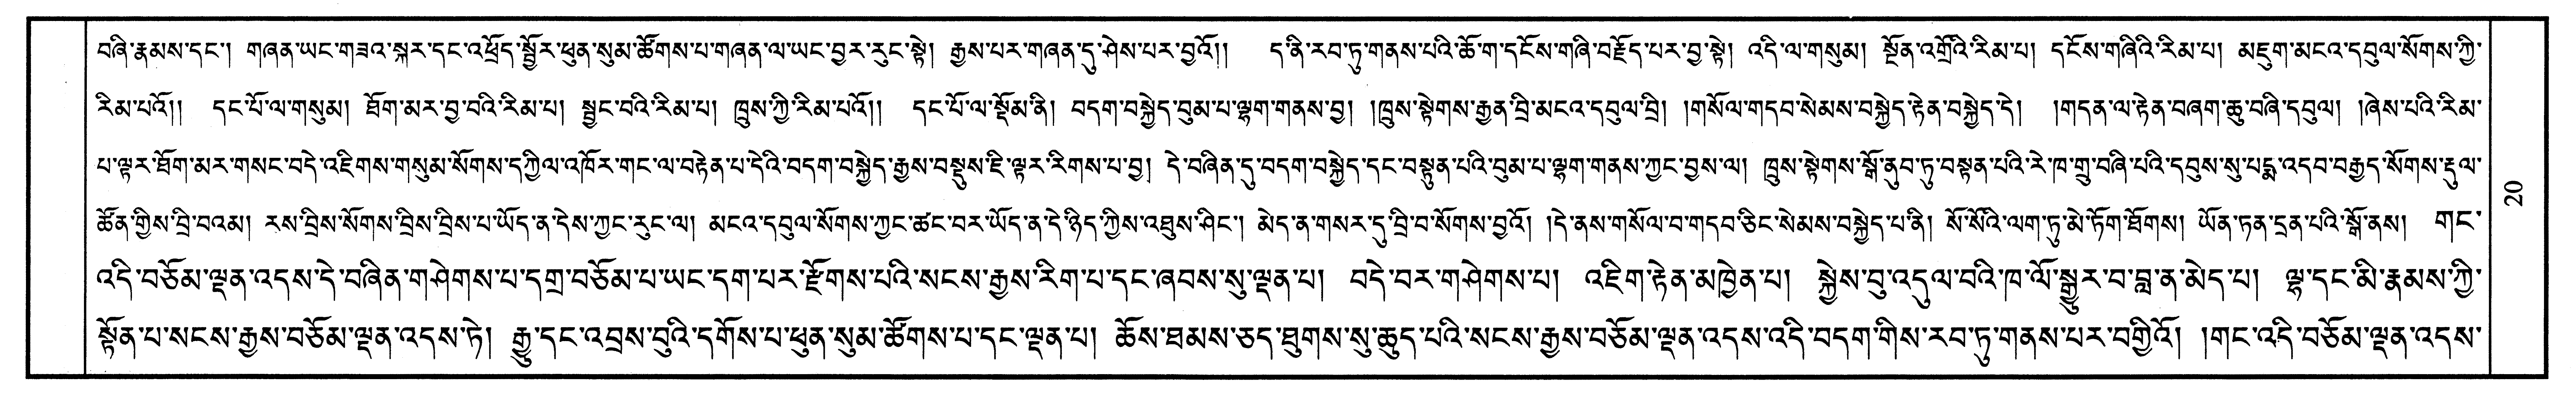བཞི་རྣམས་དང་། གཞན་ཡང་གཟའ་སྐར་དང་འཕྲོད་སྦྱོར་ཕུན་སུམ་ཚོགས་པ་གཞན་ལ་ཡང་བྱར་རུང་སྟེ། རྒྱས་པར་གཞན་དུ་ཤེས་པར་བྱའོ།། ད་ནི་རབ་ཏུ་གནས་པའི་ཆོ་ག་དངོས་གཞི་བརྗོད་པར་བྱ་སྟེ། འདི་ལ་གསུམ། སྔོན་འགྲོའི་རིམ་པ། དངོས་གཞིའི་རིམ་པ། མཇུག་མངའ་དབུལ་སོགས་ཀྱི་
རིམ་པའོ།། དང་པོ་ལ་གསུམ། ཐོག་མར་བྱ་བའི་རིམ་པ། སྦྱང་བའི་རིམ་པ། ཁྲུས་ཀྱི་རིམ་པའོ།། དང་པོ་ལ་སྡོམ་ནི། བདག་བསྐྱེད་བུམ་པ་ལྷག་གནས་བྱ། །ཁྲུས་སྟེགས་རྒྱན་བྲི་མངའ་དབུལ་བྲི། །གསོལ་གདབ་སེམས་བསྐྱེད་རྟེན་བསྐྱེད་དེ། །གདན་ལ་རྟེན་བཞག་ཆུ་བཞི་དབུལ། །ཞེས་པའི་རིམ་
པ་ལྟར་ཐོག་མར་གསང་བདེ་འཇིགས་གསུམ་སོགས་དཀྱིལ་འཁོར་གང་ལ་བརྟེན་པ་དེའི་བདག་བསྐྱེད་རྒྱས་བསྡུས་ཇི་ལྟར་རིགས་པ་བྱ། དེ་བཞིན་དུ་བདག་བསྐྱེད་དང་བསྟུན་པའི་བུམ་པ་ལྷག་གནས་ཀྱང་བྱས་ལ། ཁྲུས་སྟེགས་སྒོ་ནུབ་ཏུ་བསྟན་པའི་རེ་ཁ་གྲུ་བཞི་པའི་དབུས་སུ་པདམ་འདབ་བརྒྱད་སོགས་རྡུལ་
ཚོན་གྱིས་བྲི་བའམ། རས་བྲིས་སོགས་བྲིས་བྲིས་པ་ཡོད་ན་དེས་ཀྱང་རུང་ལ། མངའ་དབུལ་སོགས་ཀྱང་ཚང་བར་ཡོད་ན་དེ་ཉིད་ཀྱིས་འཐུས་ཤིང་། མེད་ན་གསར་དུ་བྲི་བ་སོགས་བྱའོ། །དེ་ནས་གསོལ་བ་གདབ་ཅིང་སེམས་བསྐྱེད་པ་ནི། སོ་སོའི་ལག་ཏུ་མེ་ཏོག་ཐོགས། ཡོན་ཏན་དྲན་པའི་སྒོ་ནས། གང་
འདི་བཅོམ་ལྡན་འདས་དེ་བཞིན་གཤེགས་པ་དགྲ་བཅོམ་པ་ཡང་དག་པར་རྫོགས་པའི་སངས་རྒྱས་རིག་པ་དང་ཞབས་སུ་ལྡན་པ། བདེ་བར་གཤེགས་པ། འཇིག་རྟེན་མཁྱེན་པ། སྐྱེས་བུ་འདུལ་བའི་ཁ་ལོ་སྒྱུར་བ་བླ་ན་མེད་པ། ལྷ་དང་མི་རྣམས་ཀྱི་
སྟོན་པ་སངས་རྒྱས་བཅོམ་ལྡན་འདས་ཏེ། རྒྱུ་དང་འབྲས་བུའི་དགོས་པ་ཕུན་སུམ་ཚོགས་པ་དང་ལྡན་པ། ཆོས་ཐམས་ཅད་ཐུགས་སུ་ཆུད་པའི་སངས་རྒྱས་བཅོམ་ལྡན་འདས་འདི་བདག་གིས་རབ་ཏུ་གནས་པར་བགྱིའོ། །གང་འདི་བཅོམ་ལྡན་འདས་